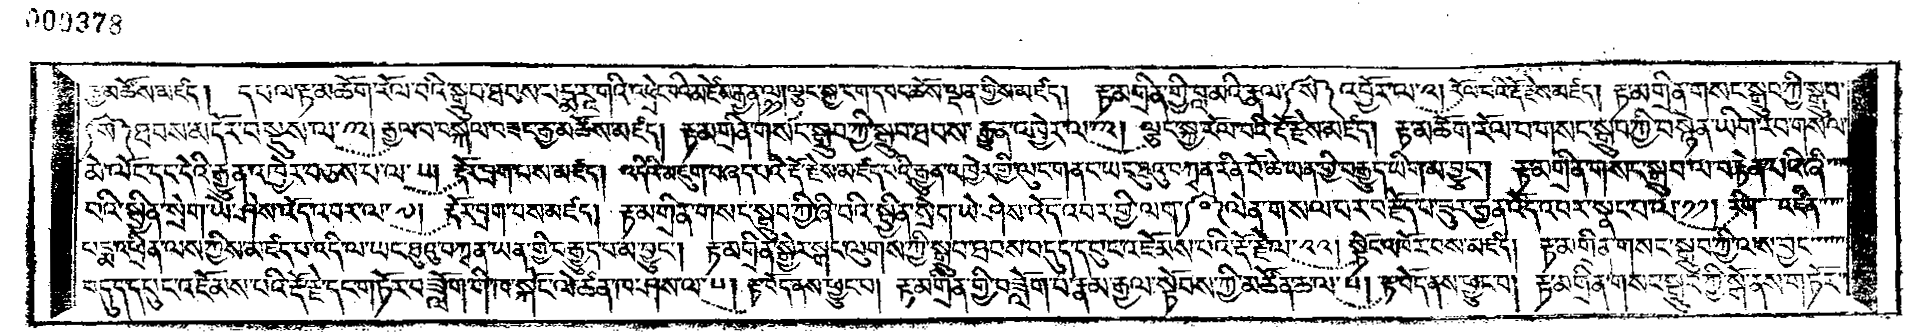རྒྱ་མཚོས་མཛད། དཔལ་རྟ་མཆོག་རོལ་བའི་སྒྲུབ་ཐབས་པདམ་རཱ་གའི་འཕྲེང་བའི་མཛེས་རྒྱན་ལ ༡༡། ལྕང་སྐྱ་ངག་དབང་ཆོས་ལྡན་གྱིས་མཛད།  རྟ་མགྲིན་གྱི་བླ་མའི་རྣལ ༼ས༽ འབྱོར་ལ ༢། རོལ་བའི་རྡོ་རྗེས་མཛད།  རྟ་མགྲིན་གསང་སྒྲུབ་ཀྱི་སྒྲུབ་
༼ས༽ ཐབས་མདོར་བསྡུས་ལ ༣། རྒྱལ་བ་བསྐལ་བཟང་རྒྱ་མཚོས་མཛད།  རྟ་མགྲིན་གསང་སྒྲུབ་ཀྱི་སྒྲུབ་ཐབས་རྒྱུན་འཁྱེར་ལ ༣། ལྕང་སྐྱ་རོལ་བའི་རྡོ་རྗེས་མཛད།  རྟ་མཆོག་རོལ་བ་གསང་སྒྲུབ་ཀྱི་བསྙེན་ཡིག་རབ་གསལ་
མེ་ལོང་དང་དེའི་རྒྱུན་འཁྱེར་བཅས་པ་ལ ༥། རྡོར་བྲག་པས་མཛད། འདིའི་མཇུག་བཞད་པའི་རྡོ་རྗེས་མཛད་པའི་རྒྱུན་འཁྱེར་གྱི་ལུང་གནང་ཡང་ཐུའུ་བཀྭན་རིན་པོ་ཆེ་ཡན་གྱི་བརྒྱུད་ཡིག་མ་བྱུང་།  རྟ་མགྲིན་གསང་སྒྲུབ་ལ་བརྟེན་པའི་ཞི་
བའི་སྦྱིན་སྲེག་ཡེ་ཤེས་འོད་འབར་ལ ༧། རྡོར་བྲག་པས་མཛད།  རྟ་མགྲིན་གསང་སྒྲུབ་ཀྱི་ཞི་བའི་སྦྱིན་སྲེག་ཡེ་ཤེས་འོད་འབར་གྱི་ལག ༼༠༽ ལེན་གསལ་བར་བརྗོད་པ་ཟུར་རྒྱན་འོད་འབར་སྣང་བ་ལ ༡༡། རིག་འཛིན་
པདམ་འཕྲིན་ལས་ཀྱིས་མཛད་པ་འདི་ལ་ཡང་ཐུའུ་བཀྭན་ཡན་གྱི་བརྒྱུད་པ་མ་བྱུང་། རྟ་མགྲིན་སྒྱེར་སྒང་ལུགས་ཀྱི་སྒྲུབ་ཐབས་བདུད་དཔུང་འཇོམས་པའི་རྡོ་རྗེ་ལ ༢༢། སྟོང་འཁོར་བས་མཛད། རྟ་མགྲིན་གསང་སྒྲུབ་ཀྱི་ལས་བྱང་
བདུད་དཔུང་འཇོམས་པའི་རྡོ་རྗེ་དང་གཏོར་བཟློག་གི་ཁ་སྐོང་ལེ་ཚན་ཁ་ཤས་ལ ༥། རྟ་བོད་ནས་ཕྱུང་བ།  རྟ་མགྲིན་གྱི་བཟློག་པ་རྣམ་རྒྱལ་སྟོབས་ཀྱི་མཚོན་ཆ་ལ ༥། རྟ་བོད་ནས་ཕྱུང་བ།  རྟ་མགྲིན་གསང་སྒྲུབ་ཀྱི་སྒོ་ནས་གཏོར་